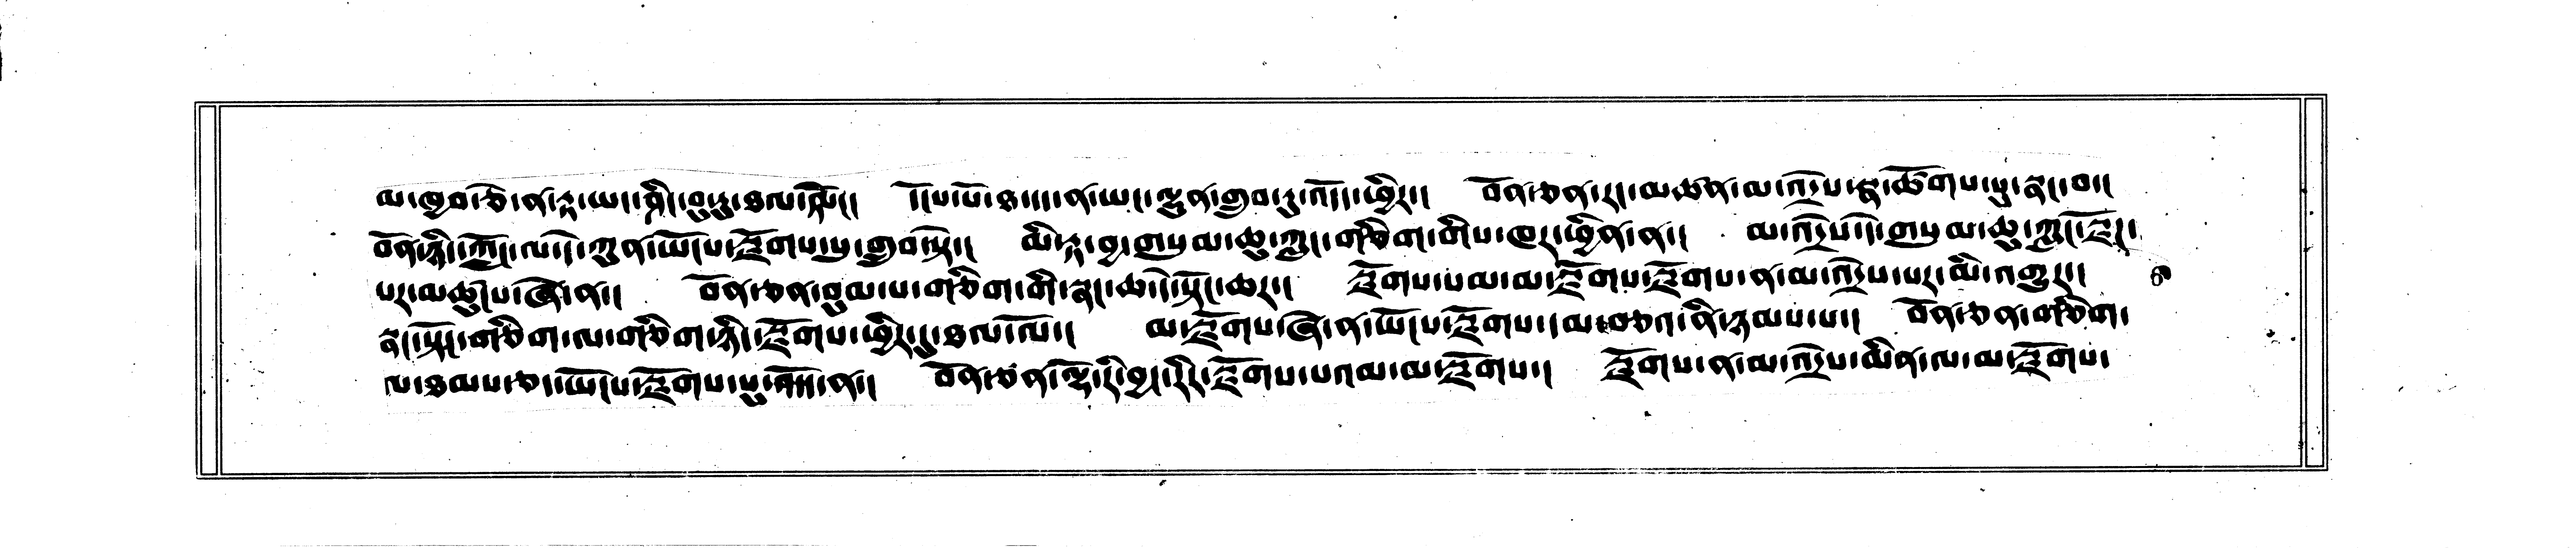མ་ཁྱབ་ཅེ་ན་རྟ་ཡང་ཤིང་བུ་རུ་ཐལ་ཏེ། །དངོས་པོ་ཐ་དད་ན་ཡང་ལྷུན་གྲུབ་ཏུ་འདོད་ཕྱིར། །བོན་ཅན་རང་མཚན་མ་འདྲེས་སྣ་ཚོགས་སུ་སྣང་བ། །
བོན་ཉིད་ཀློང་ལ་དེ་ཀུན་ཡོངས་རྫོགས་སུ་གྲུབ་སྟེ། །མི་རྟ་བྱ་གསུམ་ཆུ་ཀླུང་གཅིག་གི་ཁར་ཕྱིན་ན། །མ་འདྲེས་དེ་གསུམ་ཆུ་ཀླུང་རྫོགས་
པར་མཚུངས་ཞེ་ན། །བོན་ཅན་བུམ་པ་གཅིག་གི་སྣང་ཆ་དེ་སྟོང་ཆར། །རྫོགས་སམ་མ་རྫོགས་རྫོགས་ན་མ་འདྲེས་པར་མི་འགྱུར། །
སྣང་སྟོང་གཅིག་ལ་གཅིག་ཉིད་རྫོགས་ཕྱིར་དུ་ཐལ་ལོ། །མ་རྫོགས་ཞེ་ན་ཡོངས་རྫོགས་དམ་བཅའ་ནི་ཉམས་པ། །བོན་ཅན་གཅིག་
ལ་ཐམས་ཅད་ཡོངས་རྫོགས་སུ་འདོད་ན། །བོན་ཅན་ལྷོ་རི་བྱང་རིར་རྫོགས་པའམ་མ་རྫོགས། །རྫོགས་ན་མ་འདྲེས་མིན་ལ་མ་རྫོགས་